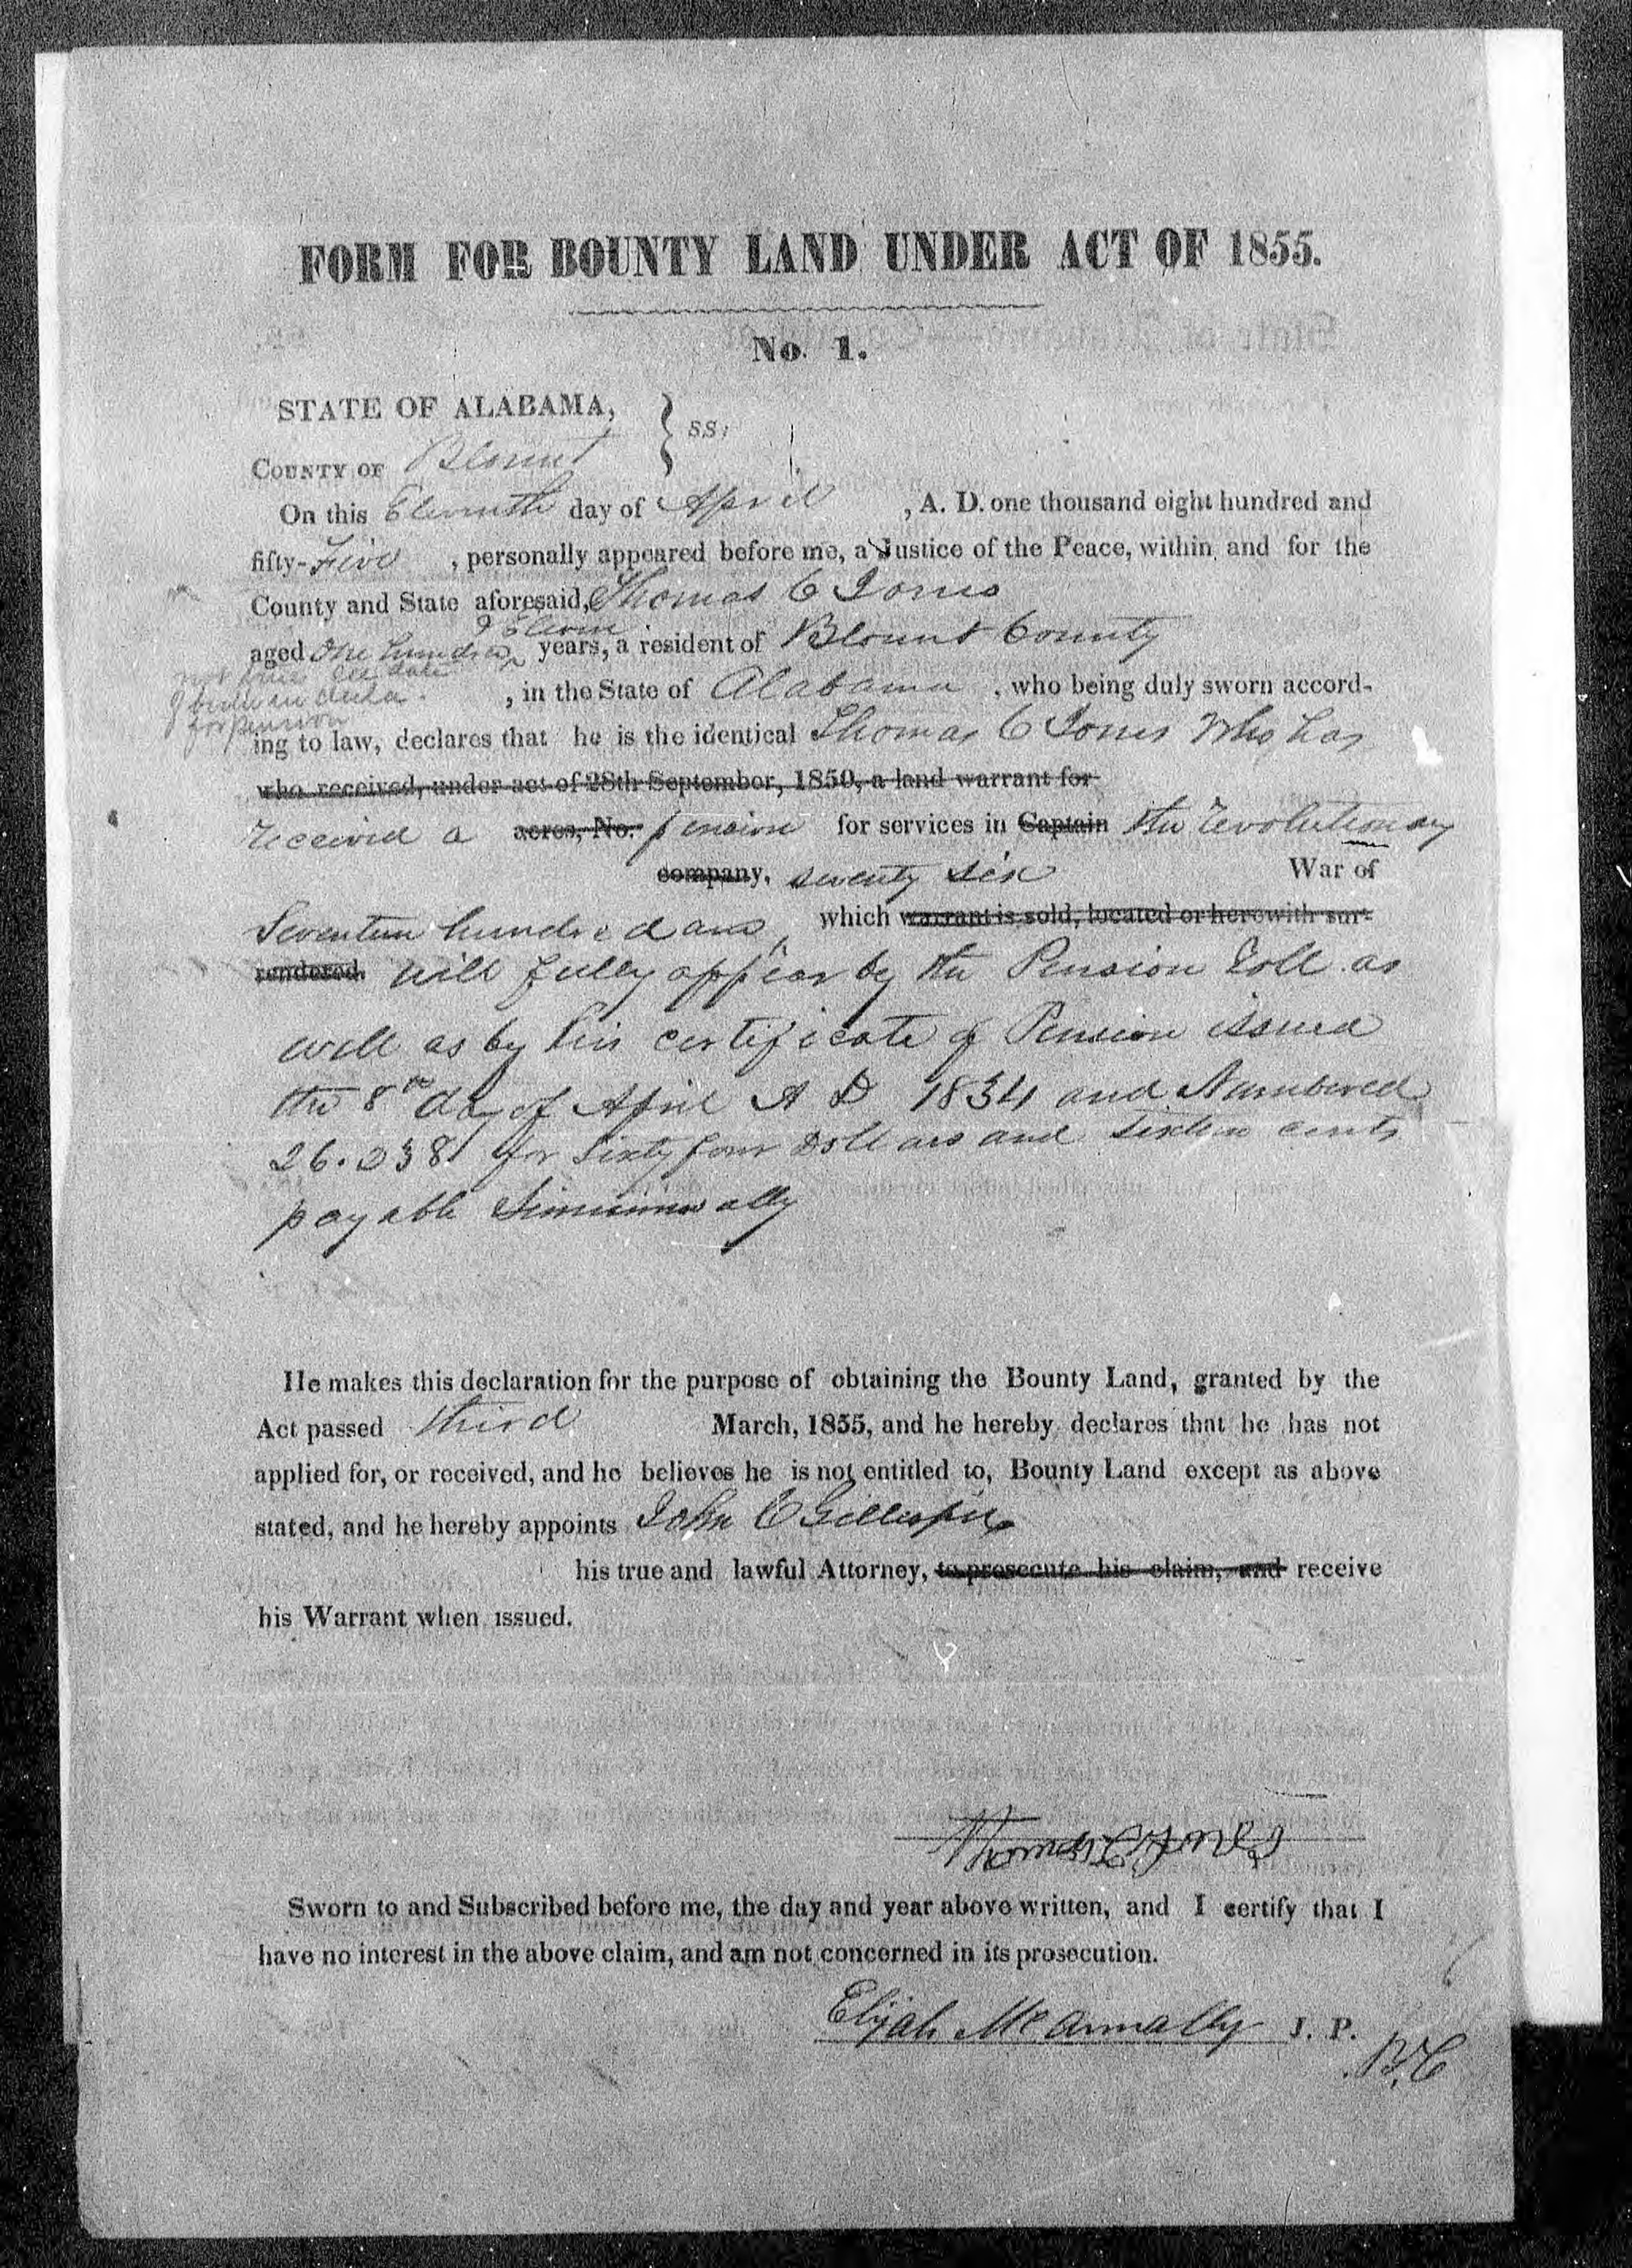FORM FOR BOUNTY LAND UNDER ACT OF 1855
-----------
No. 1
STATE OF ALABAMA
County of Blount        SS
On this Eleventh day of April, A.D. one thousand eight hundred and 
fifty-five, personally appeared before me, a Justice of the Peace, within and for the
County and State aforesaid, Thomas C. Jones
aged one hundred [handwritten in "not true see date of birth in [illegible] for pension"] years a resident of Blount County
in the State of Alabama, who being duly sworn according
to law, declares that he is the identical Thomas C. Jones who has received a pension for services in the Revolutionary 
War seventeen hundred and seventy six which 
will fully appears by the Pension Roll as 
well as by his Certificate of Pension issued
the 8th day of April A.D. 1834 and numbered
26038 for sixty four dollars and sixteen cents
payable immediately
He makes this declaration for the purpose of obtaining the Bounty Land, granted by the 
Act passed third March, 1855, and he hereby declares that he has not
applied for, or received, and he believes e is not entitled to, Bounty Land except as above
stated, and he hereby appoints John C. Gillispie
his true and lawful Attorney to prosecute his claim and receive 
his Warrant when issued
Thomas C. Jones
Sworn to and Subscribed before me, the day and year above written, and I certify that I
have no interest in the above claim, and am not concerned in its prosecution.
Elijah McAnnally, J. P. 
[initials]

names: John C Gillespie; Elijah Mcannally; Thomas C Jones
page: 17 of 45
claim: widow's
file: W. 26160, for Thomas C Jones, Georgia